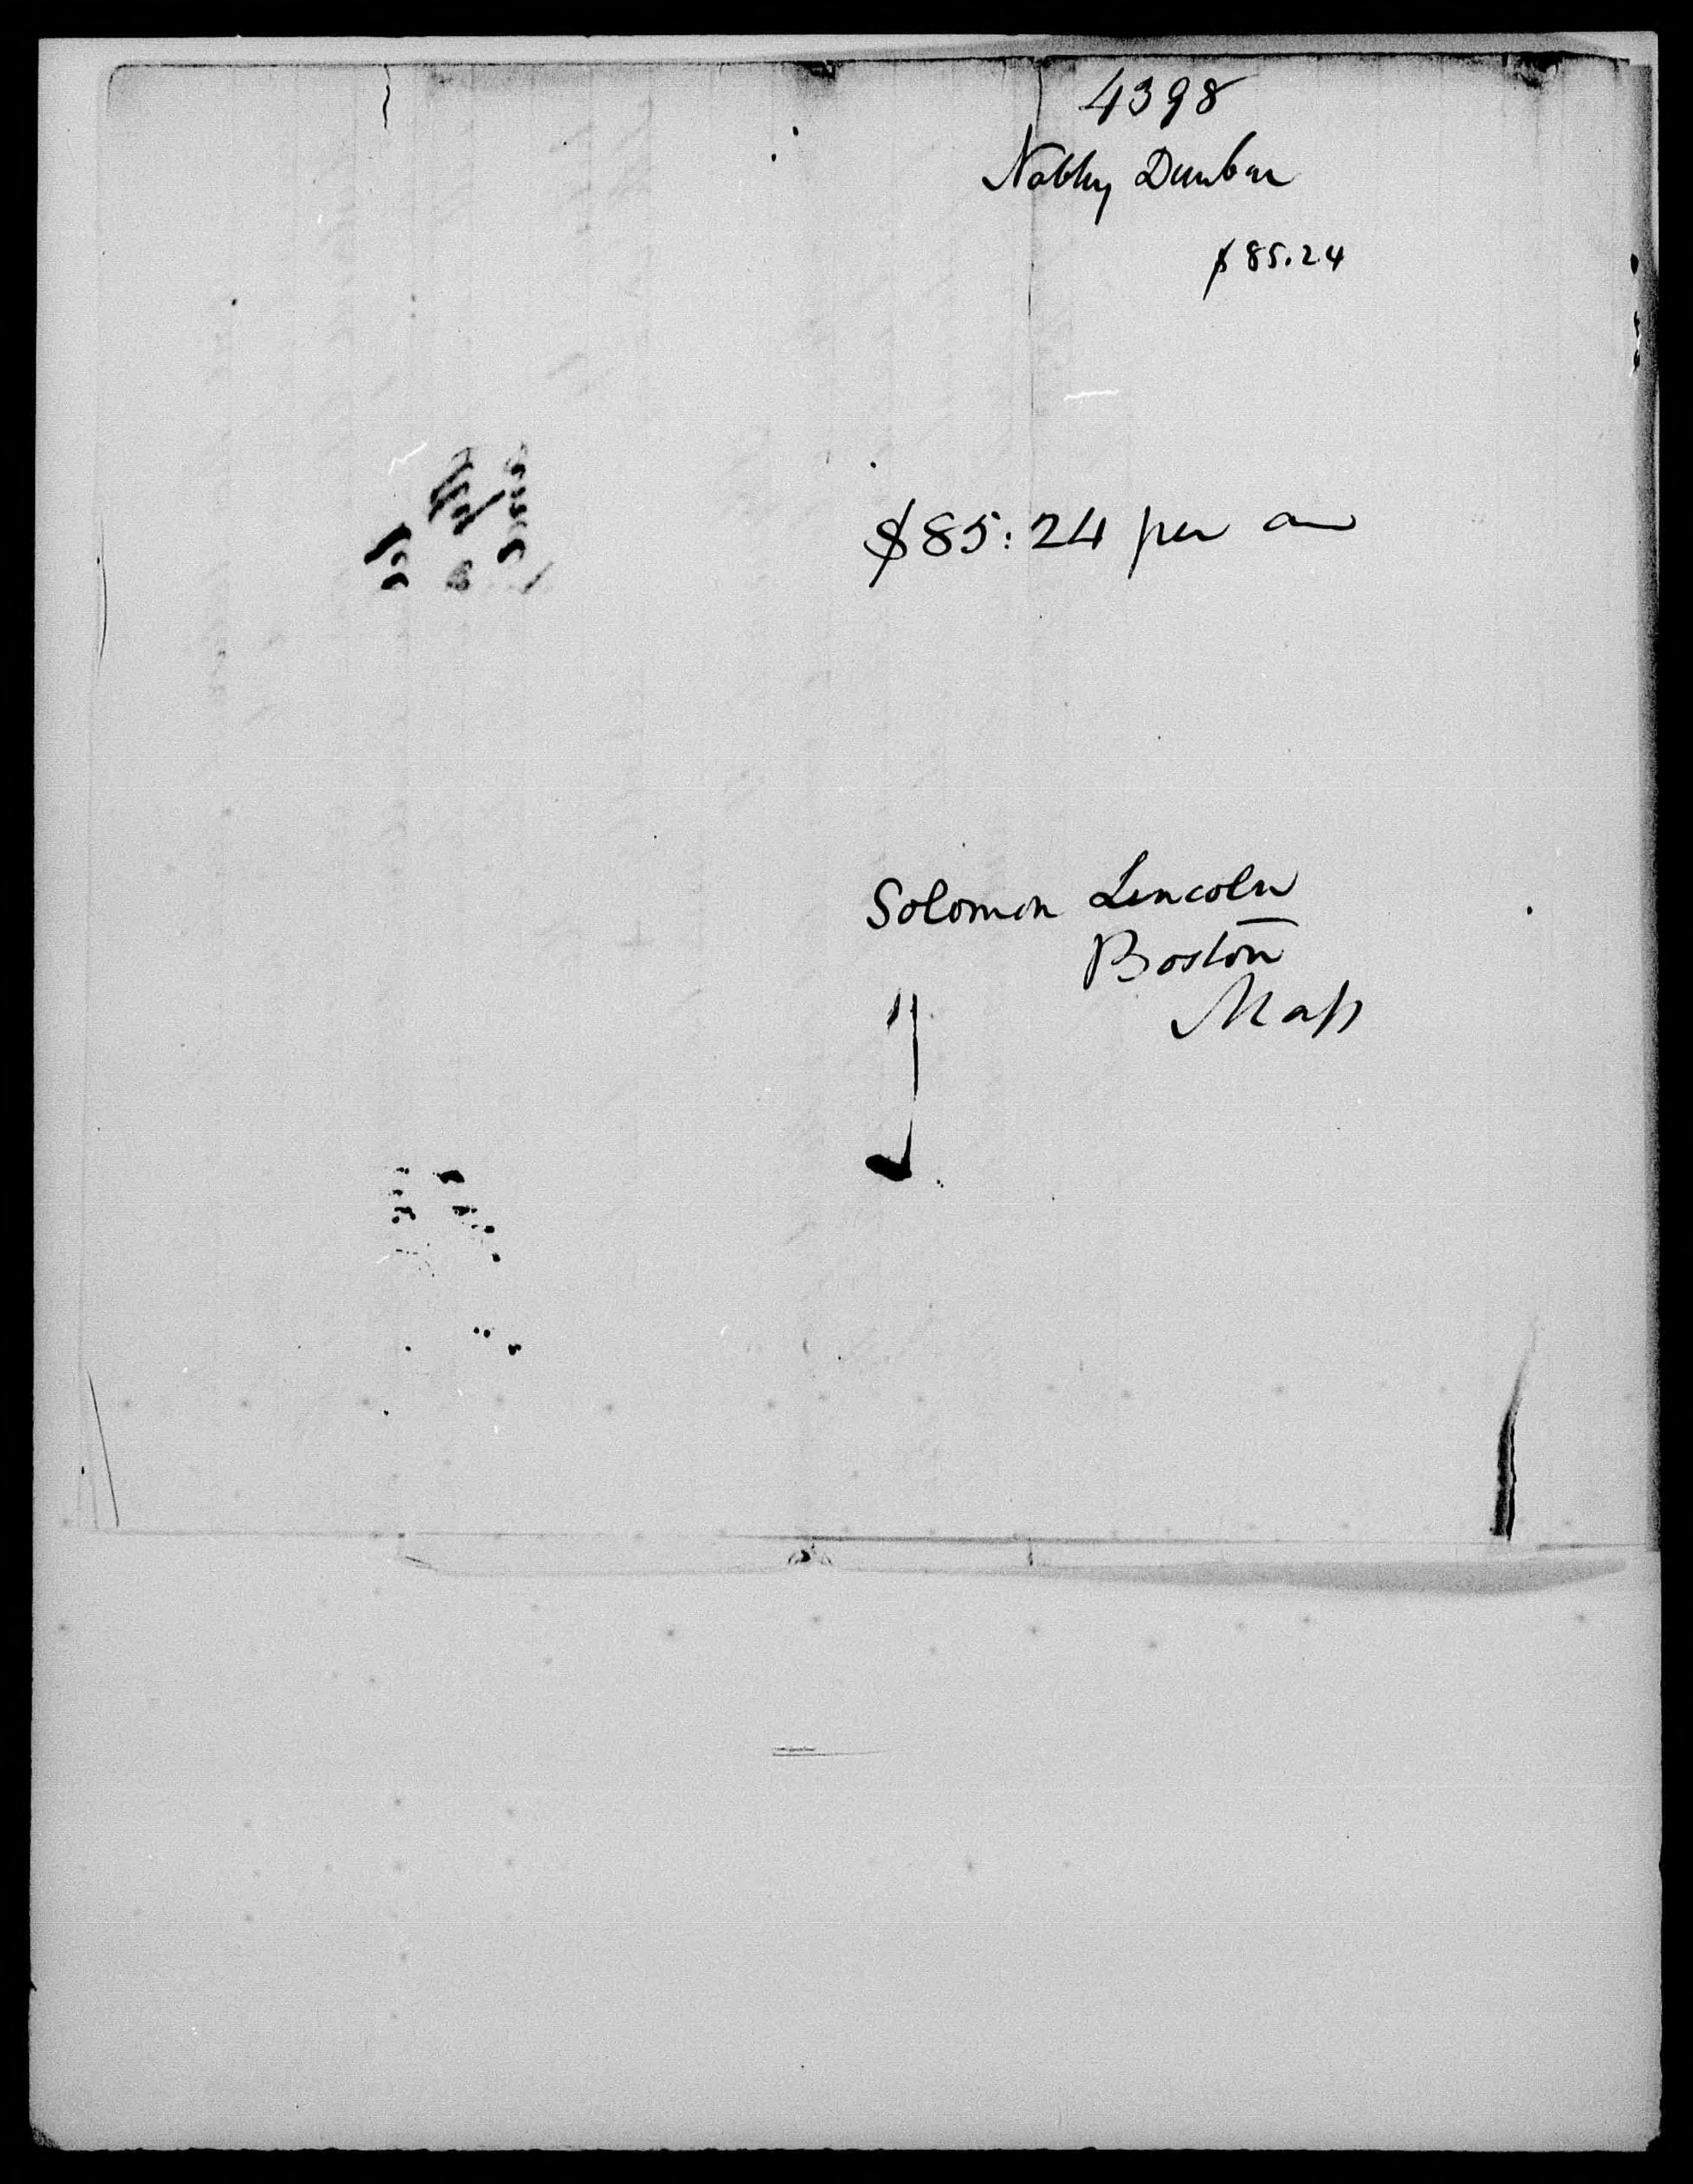4398

Nabby Dunbar

$85.24



$85.24 per a



Solomon Lincoln
Boston
Mass.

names: Nabby Dunbar, Solomon Lincoln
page: 16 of 26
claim: widow's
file: W. 14657, Melzar Dunbar, Mass.